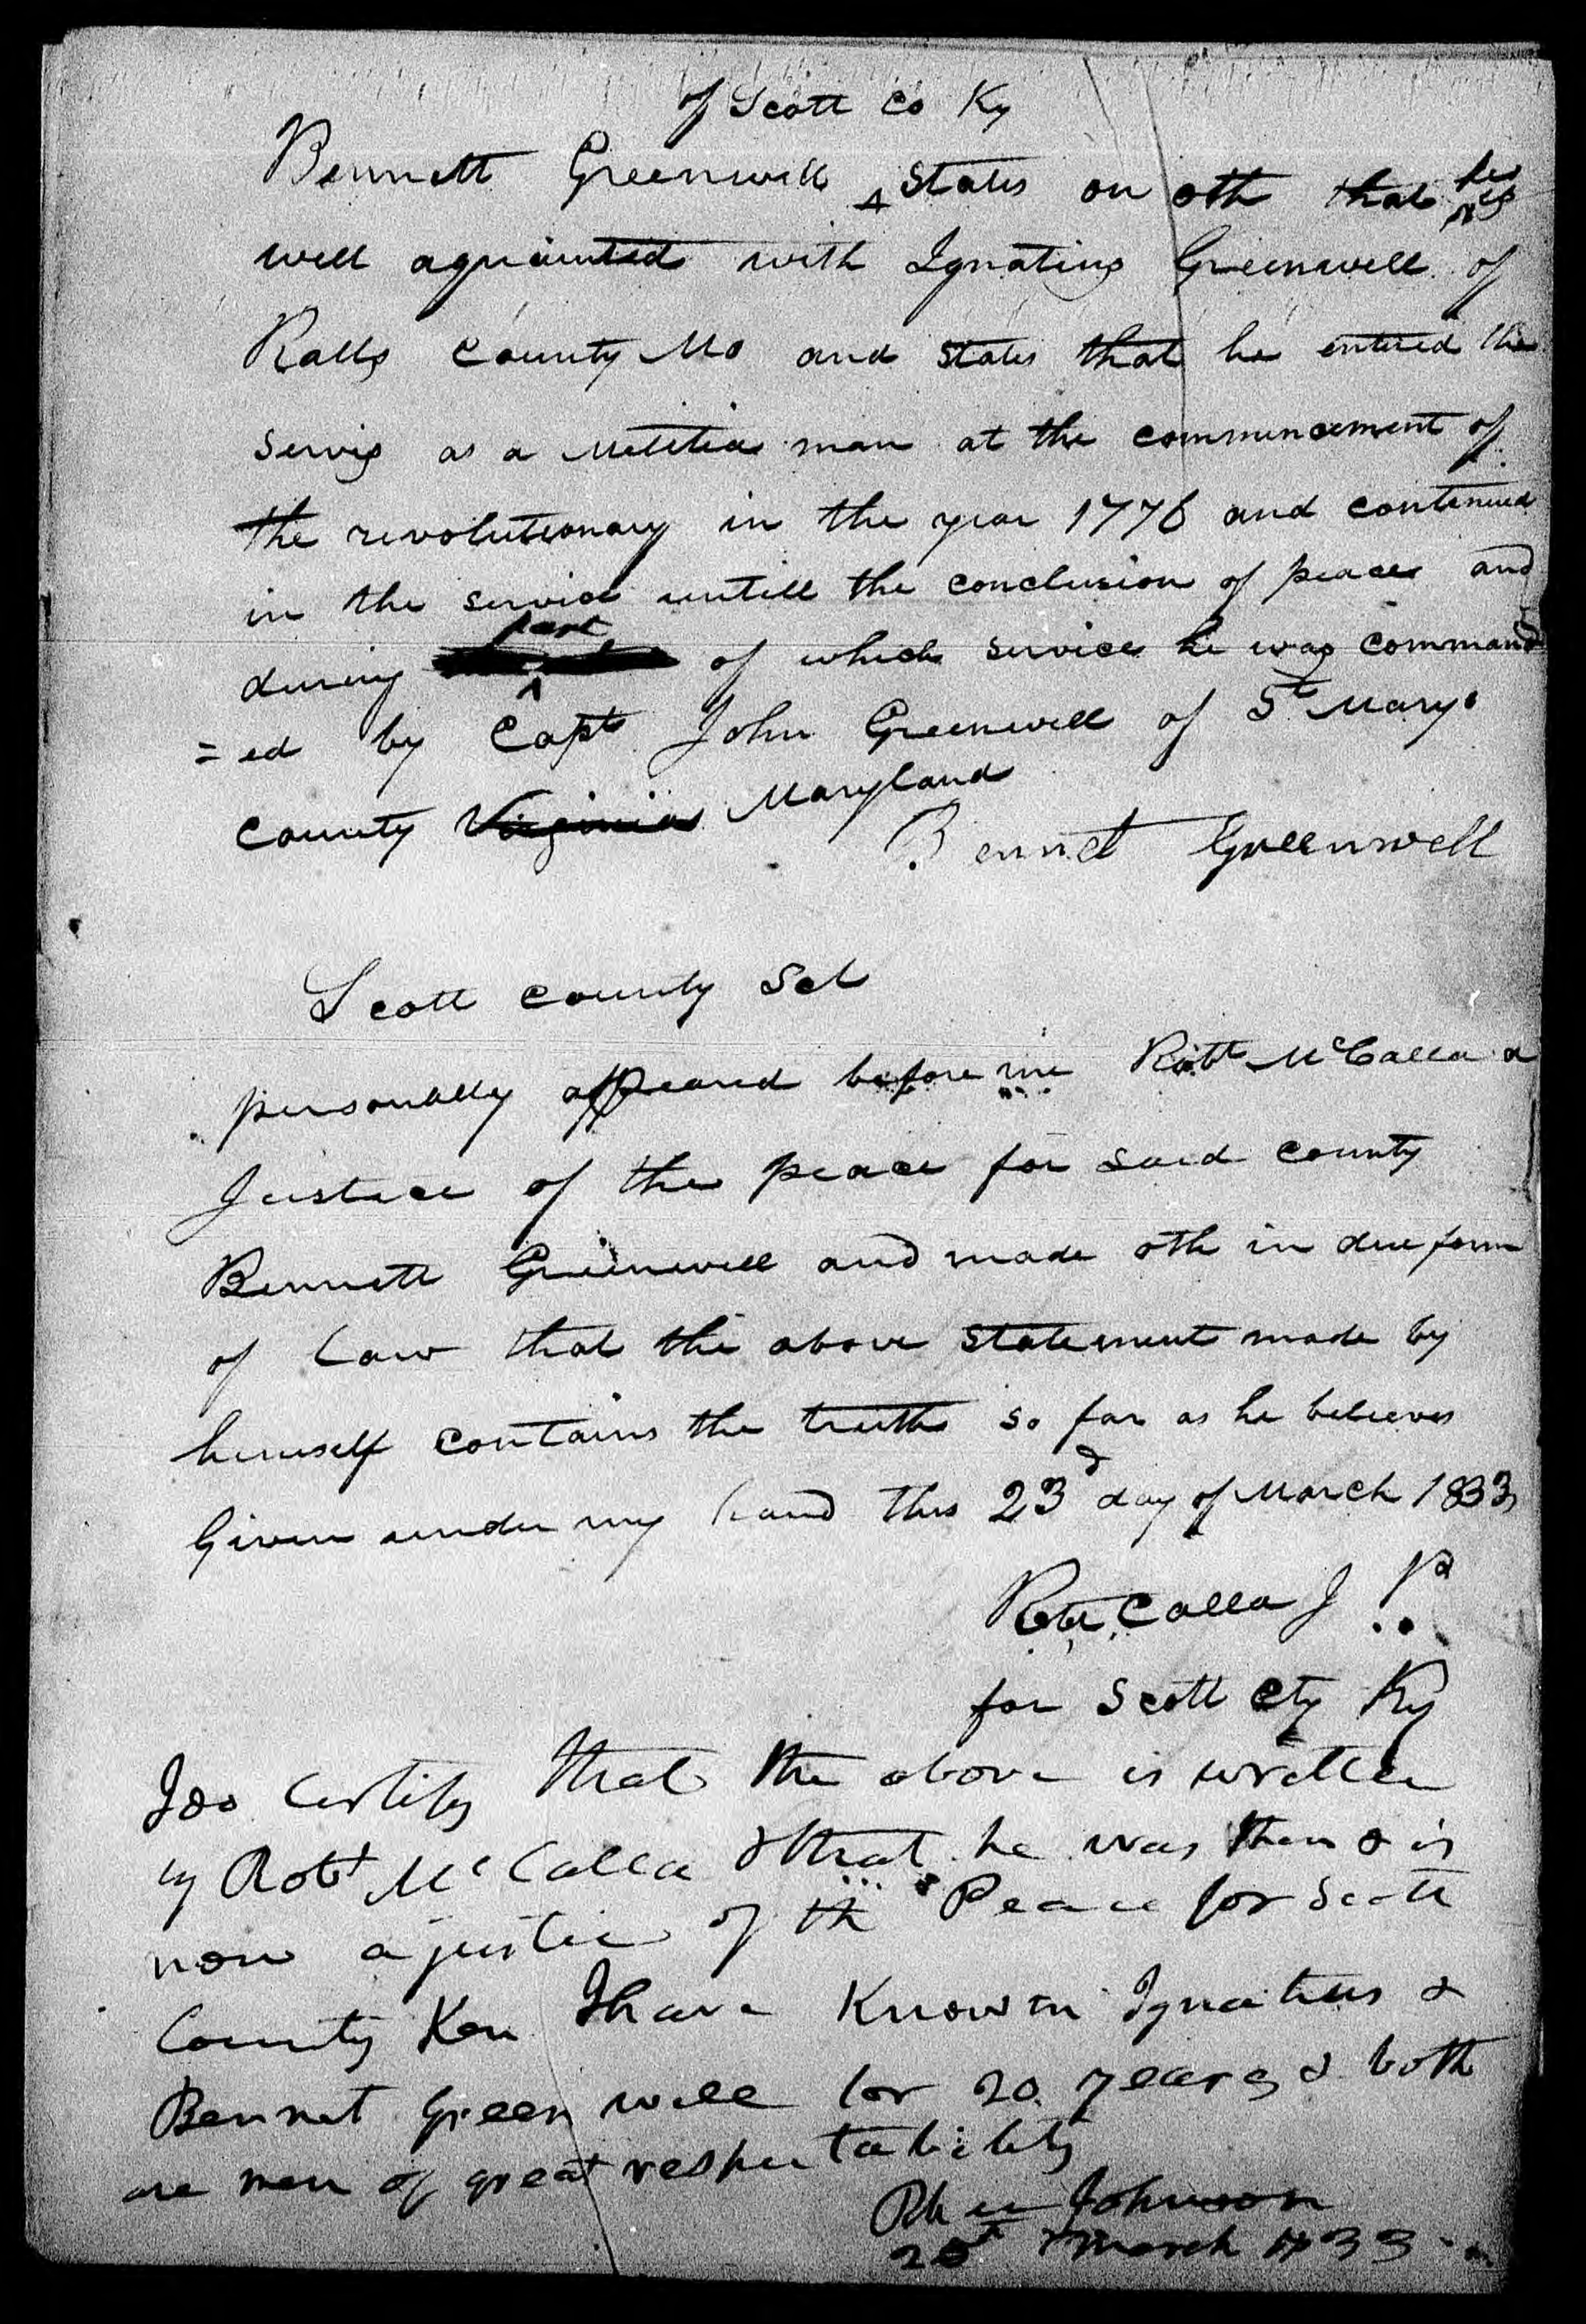Of Scott Co, KY

Bennett Greenwell states on oath that he is well acquainted with Ignatius Greenwell of Ralls County, MO, and states that he entered the service as a militia man at the commencement of the revolutionary in the year 1776 and continued in the service until the conclusion of peace and during part of which service he was commanded by Capt John Greenwell of St Mary's County, Maryland

Bennett Greenwell

Scott County Set

Personally appeared before me Robt McCalla a Justice of the Peace for said county Bennett Greenwell and made oath in due form of law that the above statement made by himself contains the truth so far as he believes. Given under my hand this 23rd day of March 1833

Robt McCalla - JP for Scott County KY

I do certify that the above is written by Robt McCalla that he was then and is now a Justice of the Peace for Scott County KY. I have known Ignatius and Bennett Greenwell for 20 years and both are men of great respectability.

Rh M Johnson
25th March 1833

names: John Greenwell, Robt Mc Calla, Bennet Greenwell, Ignatius Greenwell, Rh M Johnson, Bennet Greenwell, Bennett Greenwell, Ignatius Greenwell, Bennett Greenwell, Robt Mc Calla, R Mc Calla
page: 11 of 19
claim: survivor's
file: S. 16836, Ignatus Greenwell, Md.